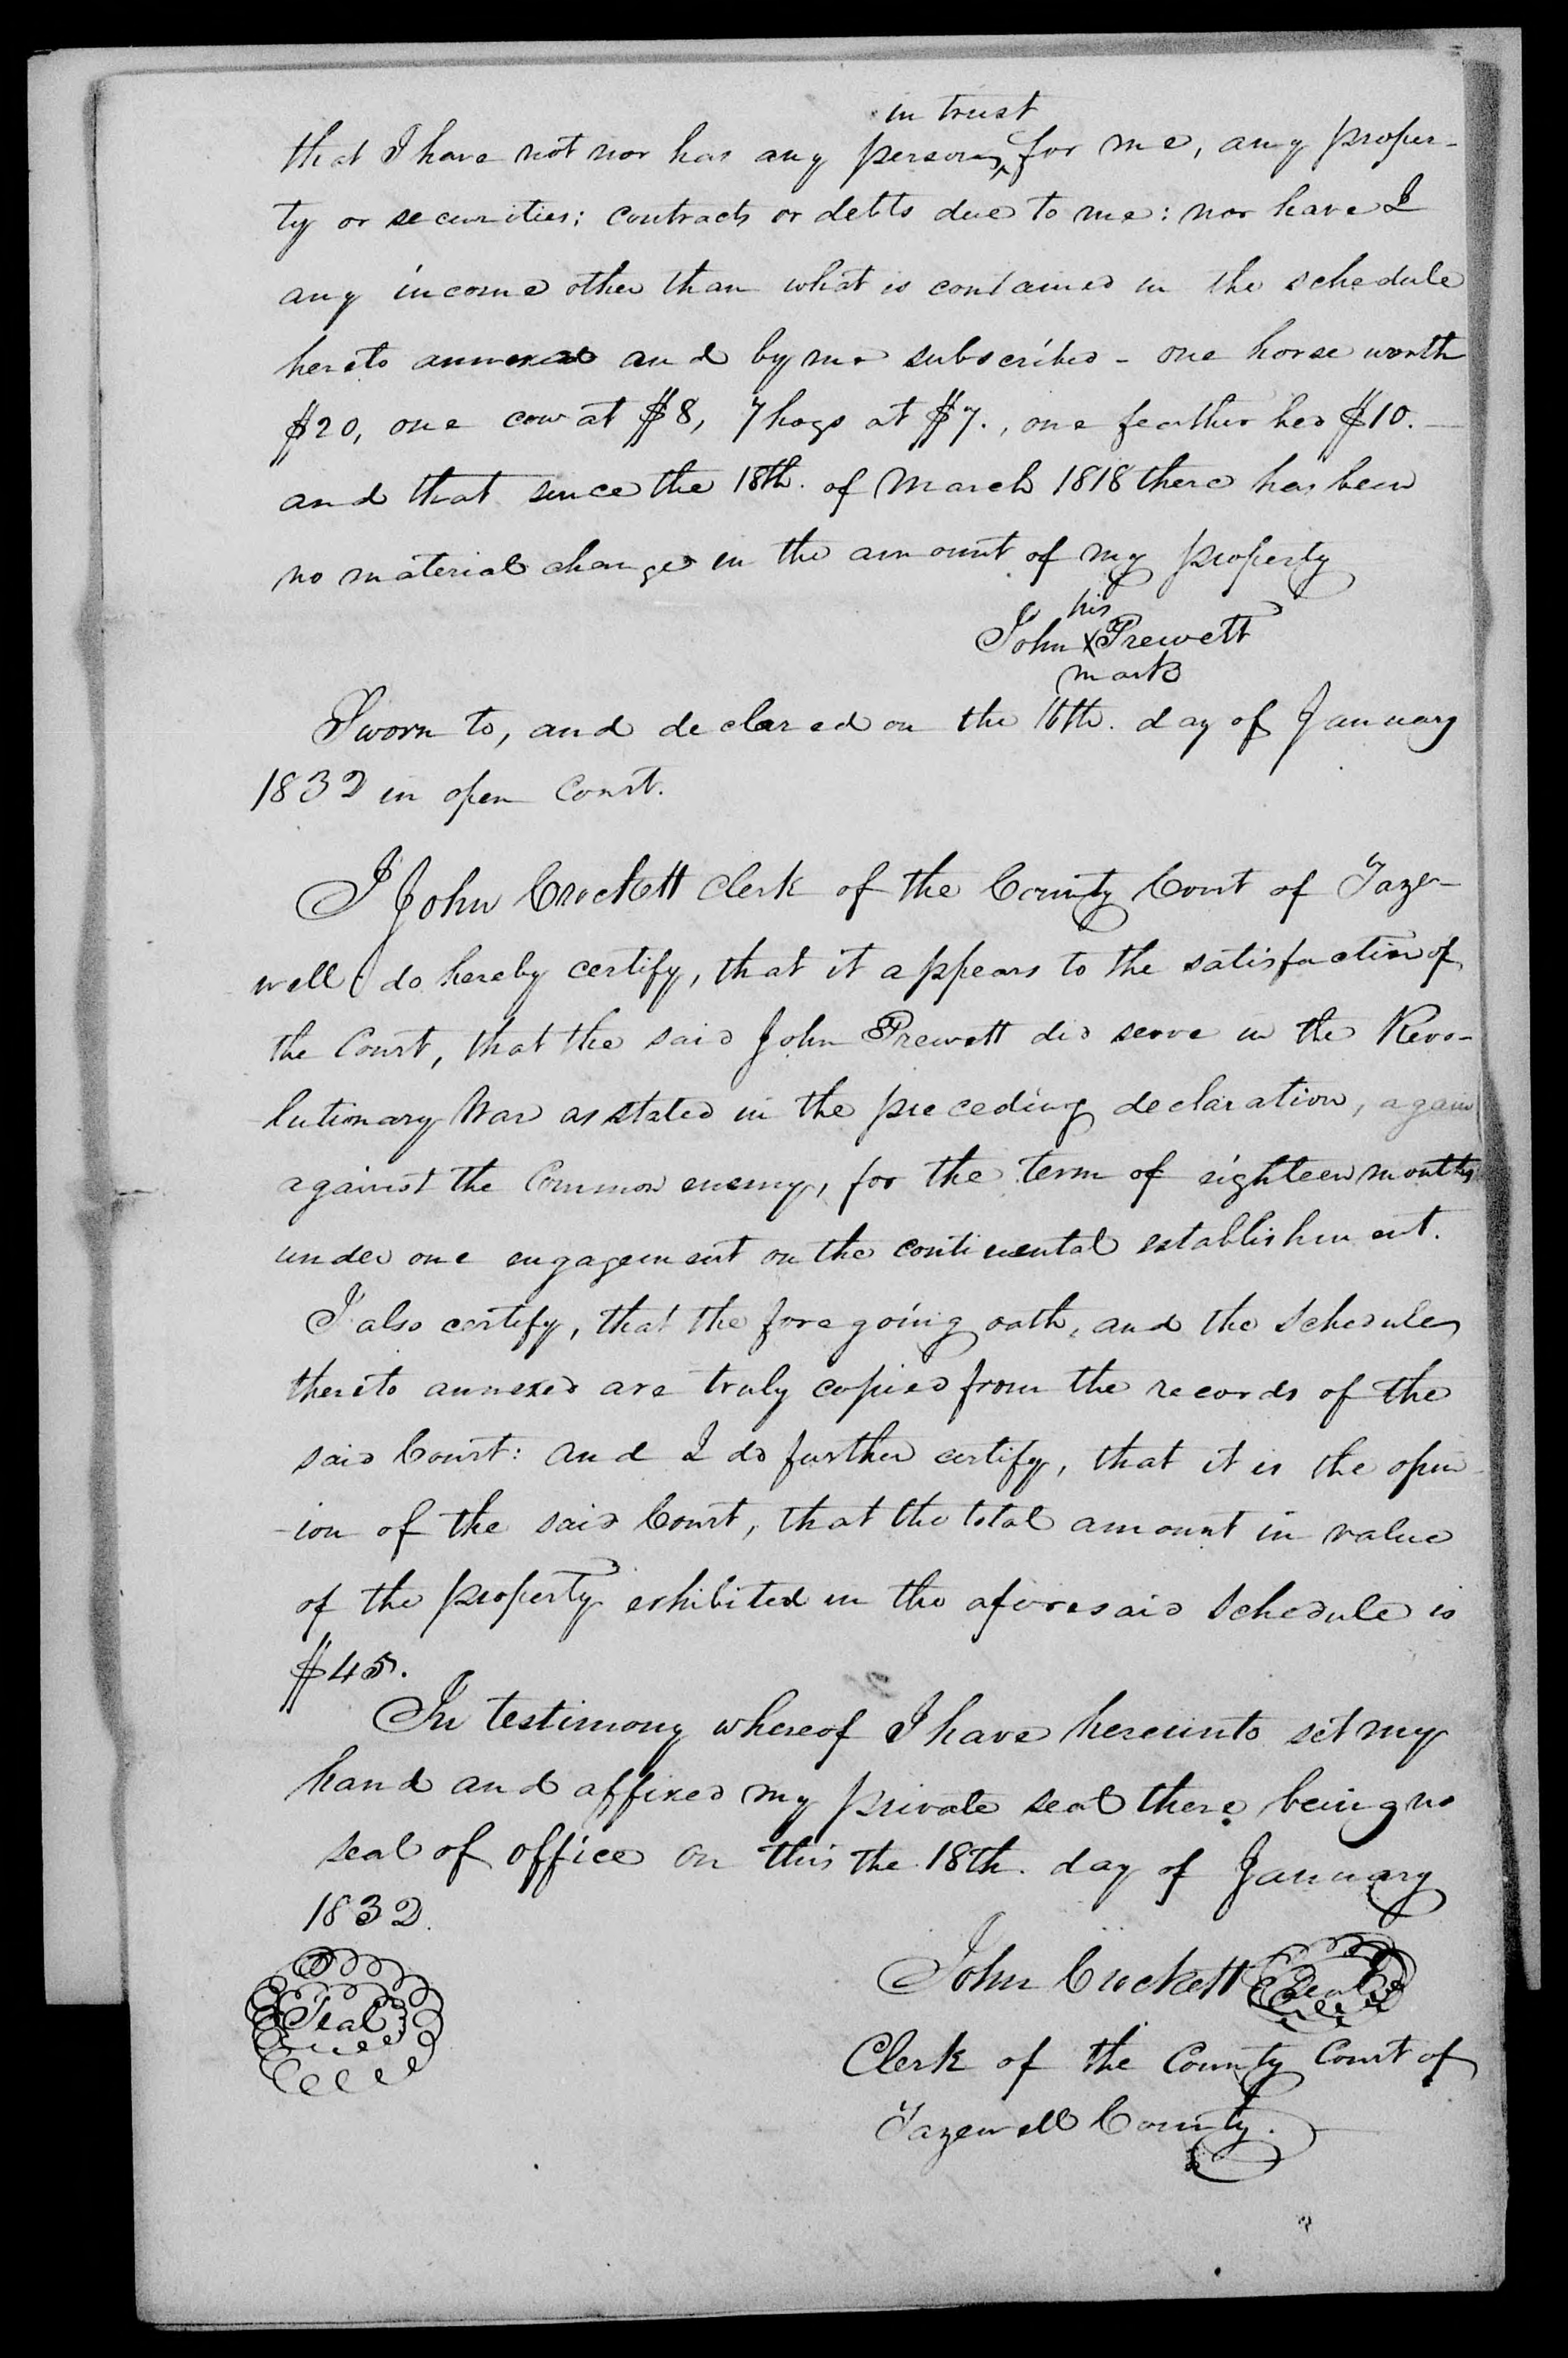that I have not nor has any person in trust for me, any property or securities; contracts or debts due to me: nor have I any income other than what is contained in the schedule hereto annexed and by me subscribed - one horse worth $20, one cow at $8, 7 hogs at $7, one feather bed $10 - and that since the 18th of March 1818 there has been no material charged in the amount of my property
John x his mark Prewett
Sworn to, and declared on the 16th day of January 1832 in open Court.

I John Crockett Clerk of the County Court of Tazewell do hereby certify, that it appears to the satisfaction of the Court, that the said John Prewett did serve in the Revolutionary War as stated in the preceding declaration, again against the Common enemy, for the term of eighteen months under one engagement on the Continental establishment.
I also certify, that the foregoing oath, and the Schedule thereto annexed are truly copied from the records of the said Court: And I do further certify, that it is the opinion of the said Court, that the total amount in value of the property exhibited in the aforesaid Schedule is $45.
In Testimony whereof I have hereunto set my hand and affixed my private seal there being no seal of office on this the 18th day of January 1832.
John Crockett {Seal}
{Seal} Clerk of the County Court of Tazewell County.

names: John Prewett; John Crockett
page: 35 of 35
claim: survivor's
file: S. 30,665, for John Prewett, Virginia